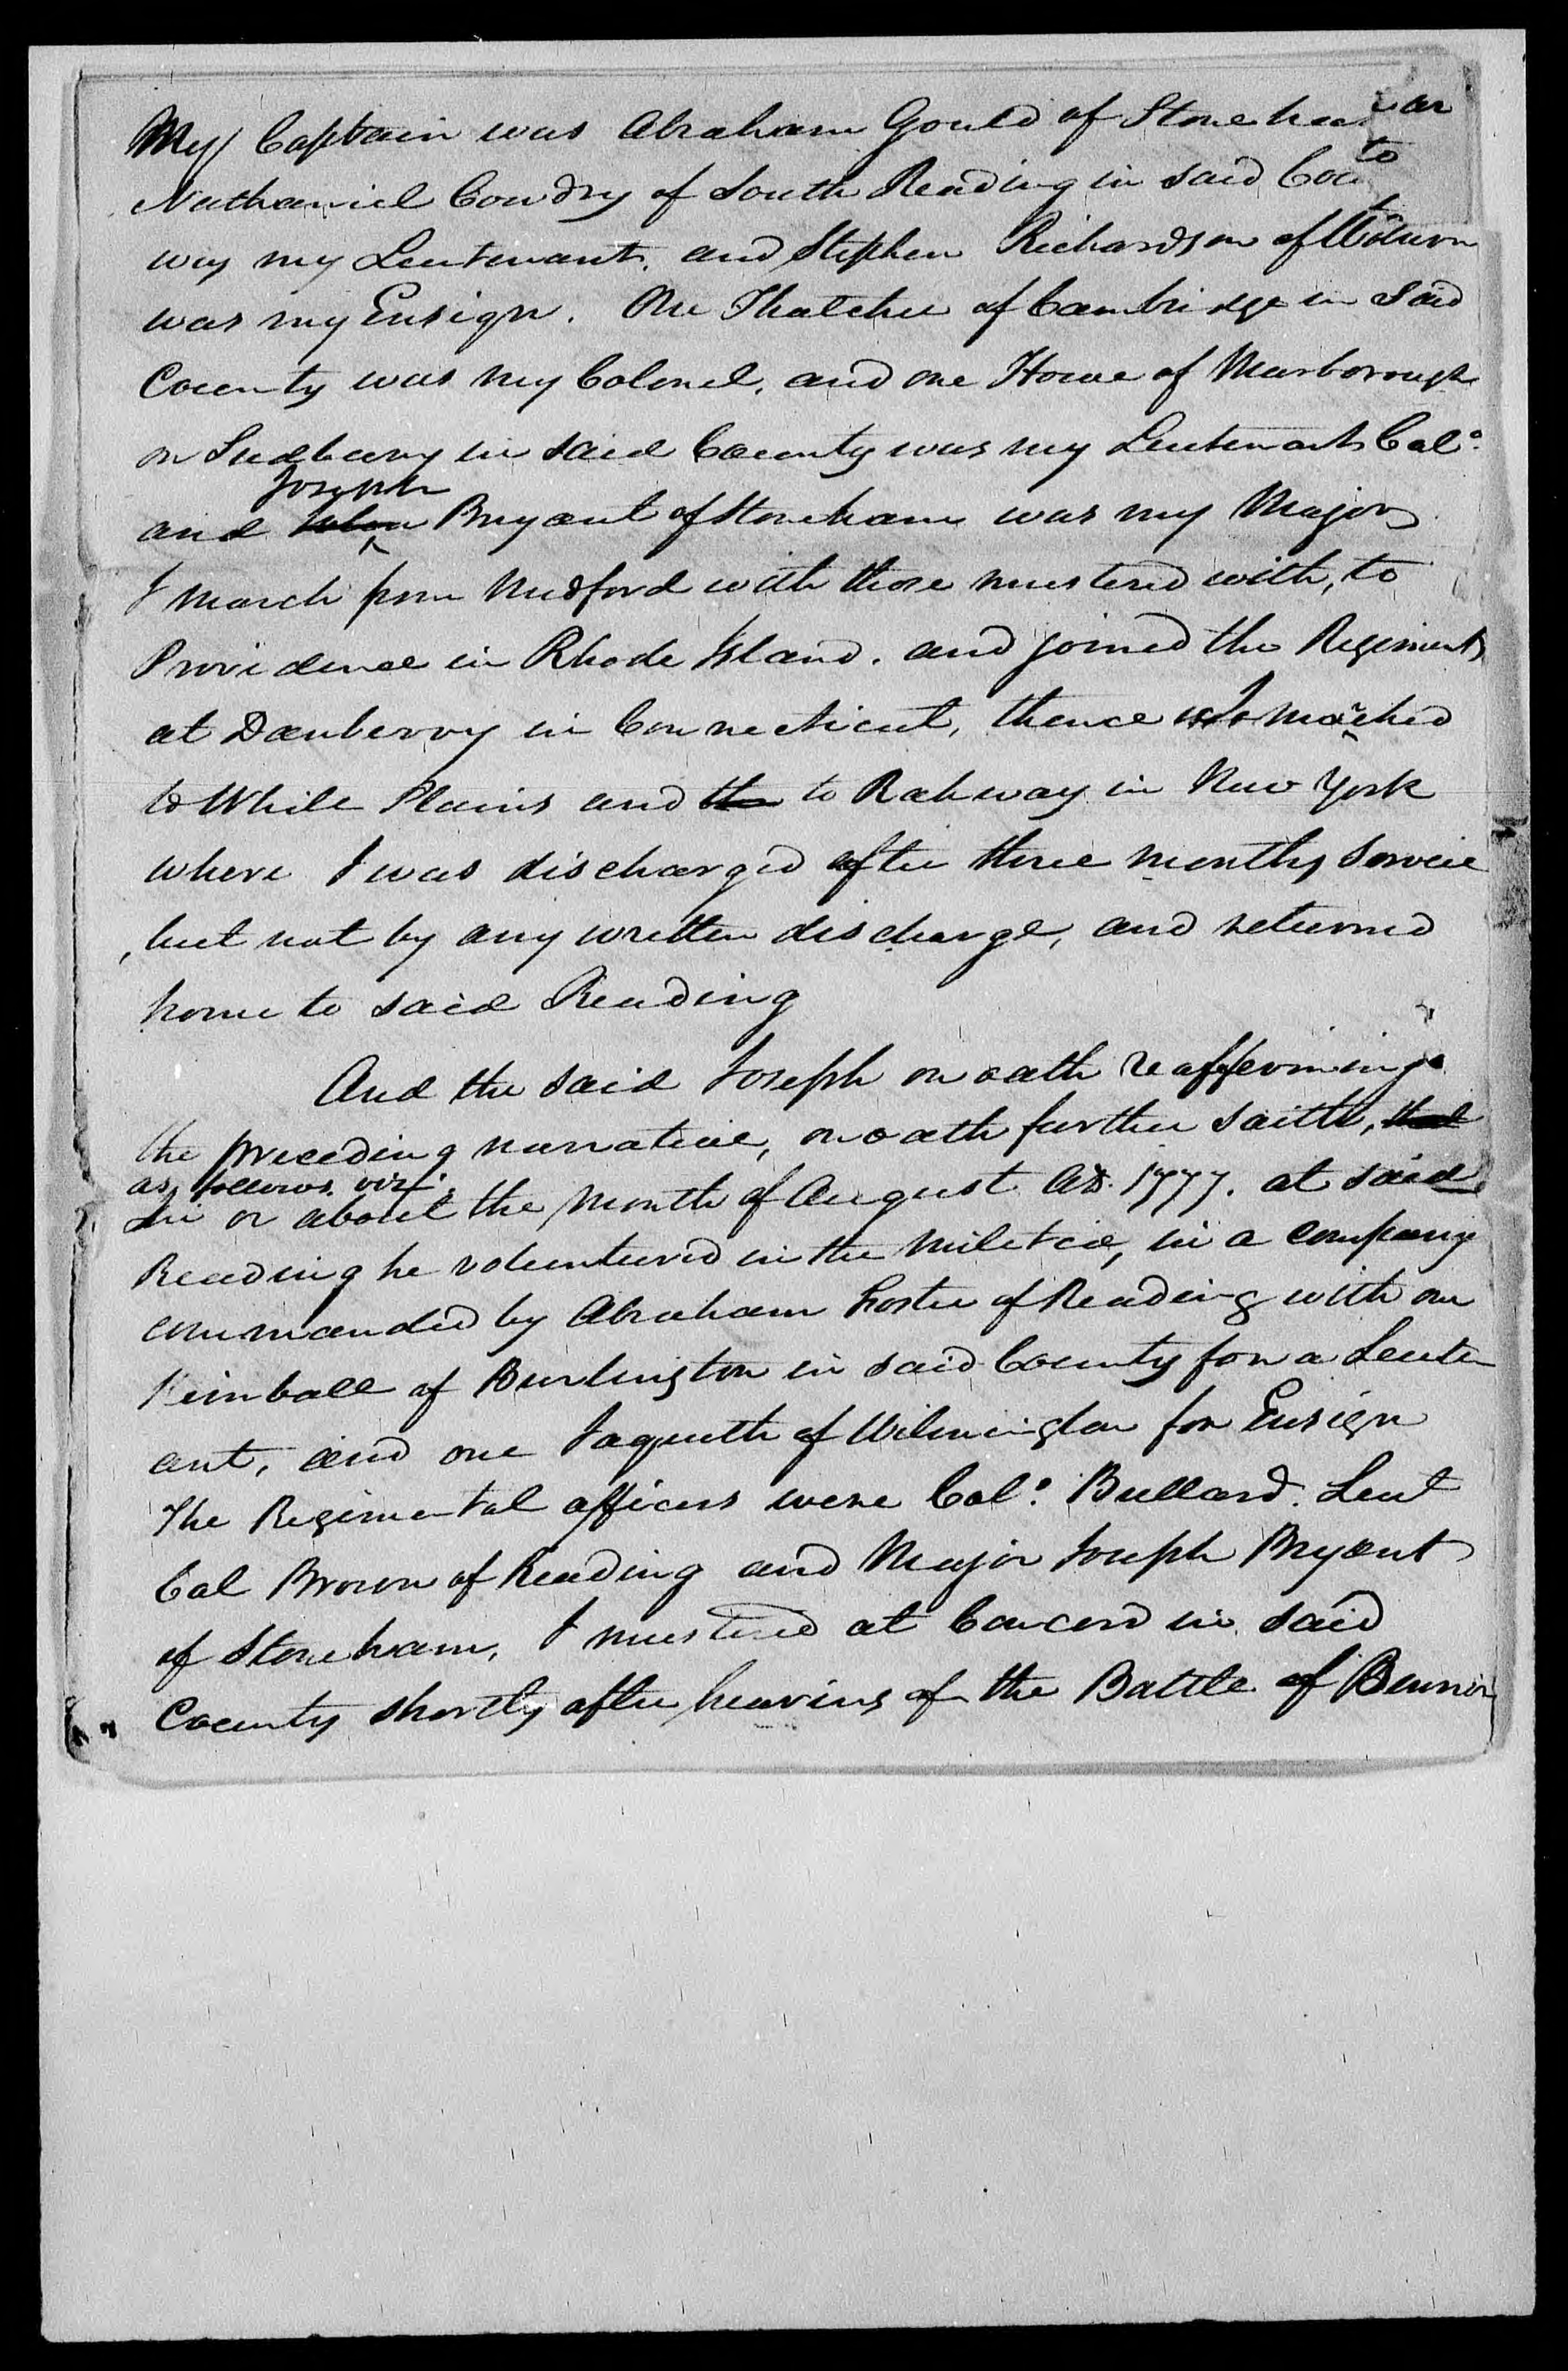My Captain was Abraham Gould of Stoneham, Nathaniel Cowdry of South Reading in said County was my Lieutenant and Stephen Richardson of Woburn was my Ensign. One Thatcher of Cambridge in said County was my Colonel, and one Howe of Marborough or Sudbury in said County was my Lieutenant Col. and Joseph Brant of Stoneham was my Major. I march from Medford with those mustered with, to Providence in Rhode Island and joined the Regiment at Danberry in Connecticut, thence I marched to White Plains and to Rahway in New York where I was discharged after three months service, by not by any written discharge, and returned home to said Reading.

And the said Joseph on oath reaffirming the proceeding narrative on oath further saith as follows, viz., In or about the month of August AD 1777 at said Reading he volunteered in the Militia in a company commanded by Abraham Foster of Reading with one Kimball of Burlington in said County for a Lieutenant, and one Jaqueth of Wilmington for Ensign. The Regimental officers were Col. Bullard, Lieut. Col. Brown of Reading and Major Joseph Bryant of Stoneham. I mustered at Concord in said County shortly after hearing of the Battle of Benning[ton].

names: Abraham Foster, Jaqueth, Bullard, Joseph, Stephen Richardson, Joseph Bryant, Kimball, Abraham Gould, Joseph Bryant, Brown, Nathaniel Condry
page: 4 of 28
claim: survivor's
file: S. 17376, Joseph Damon, Continental Mass.